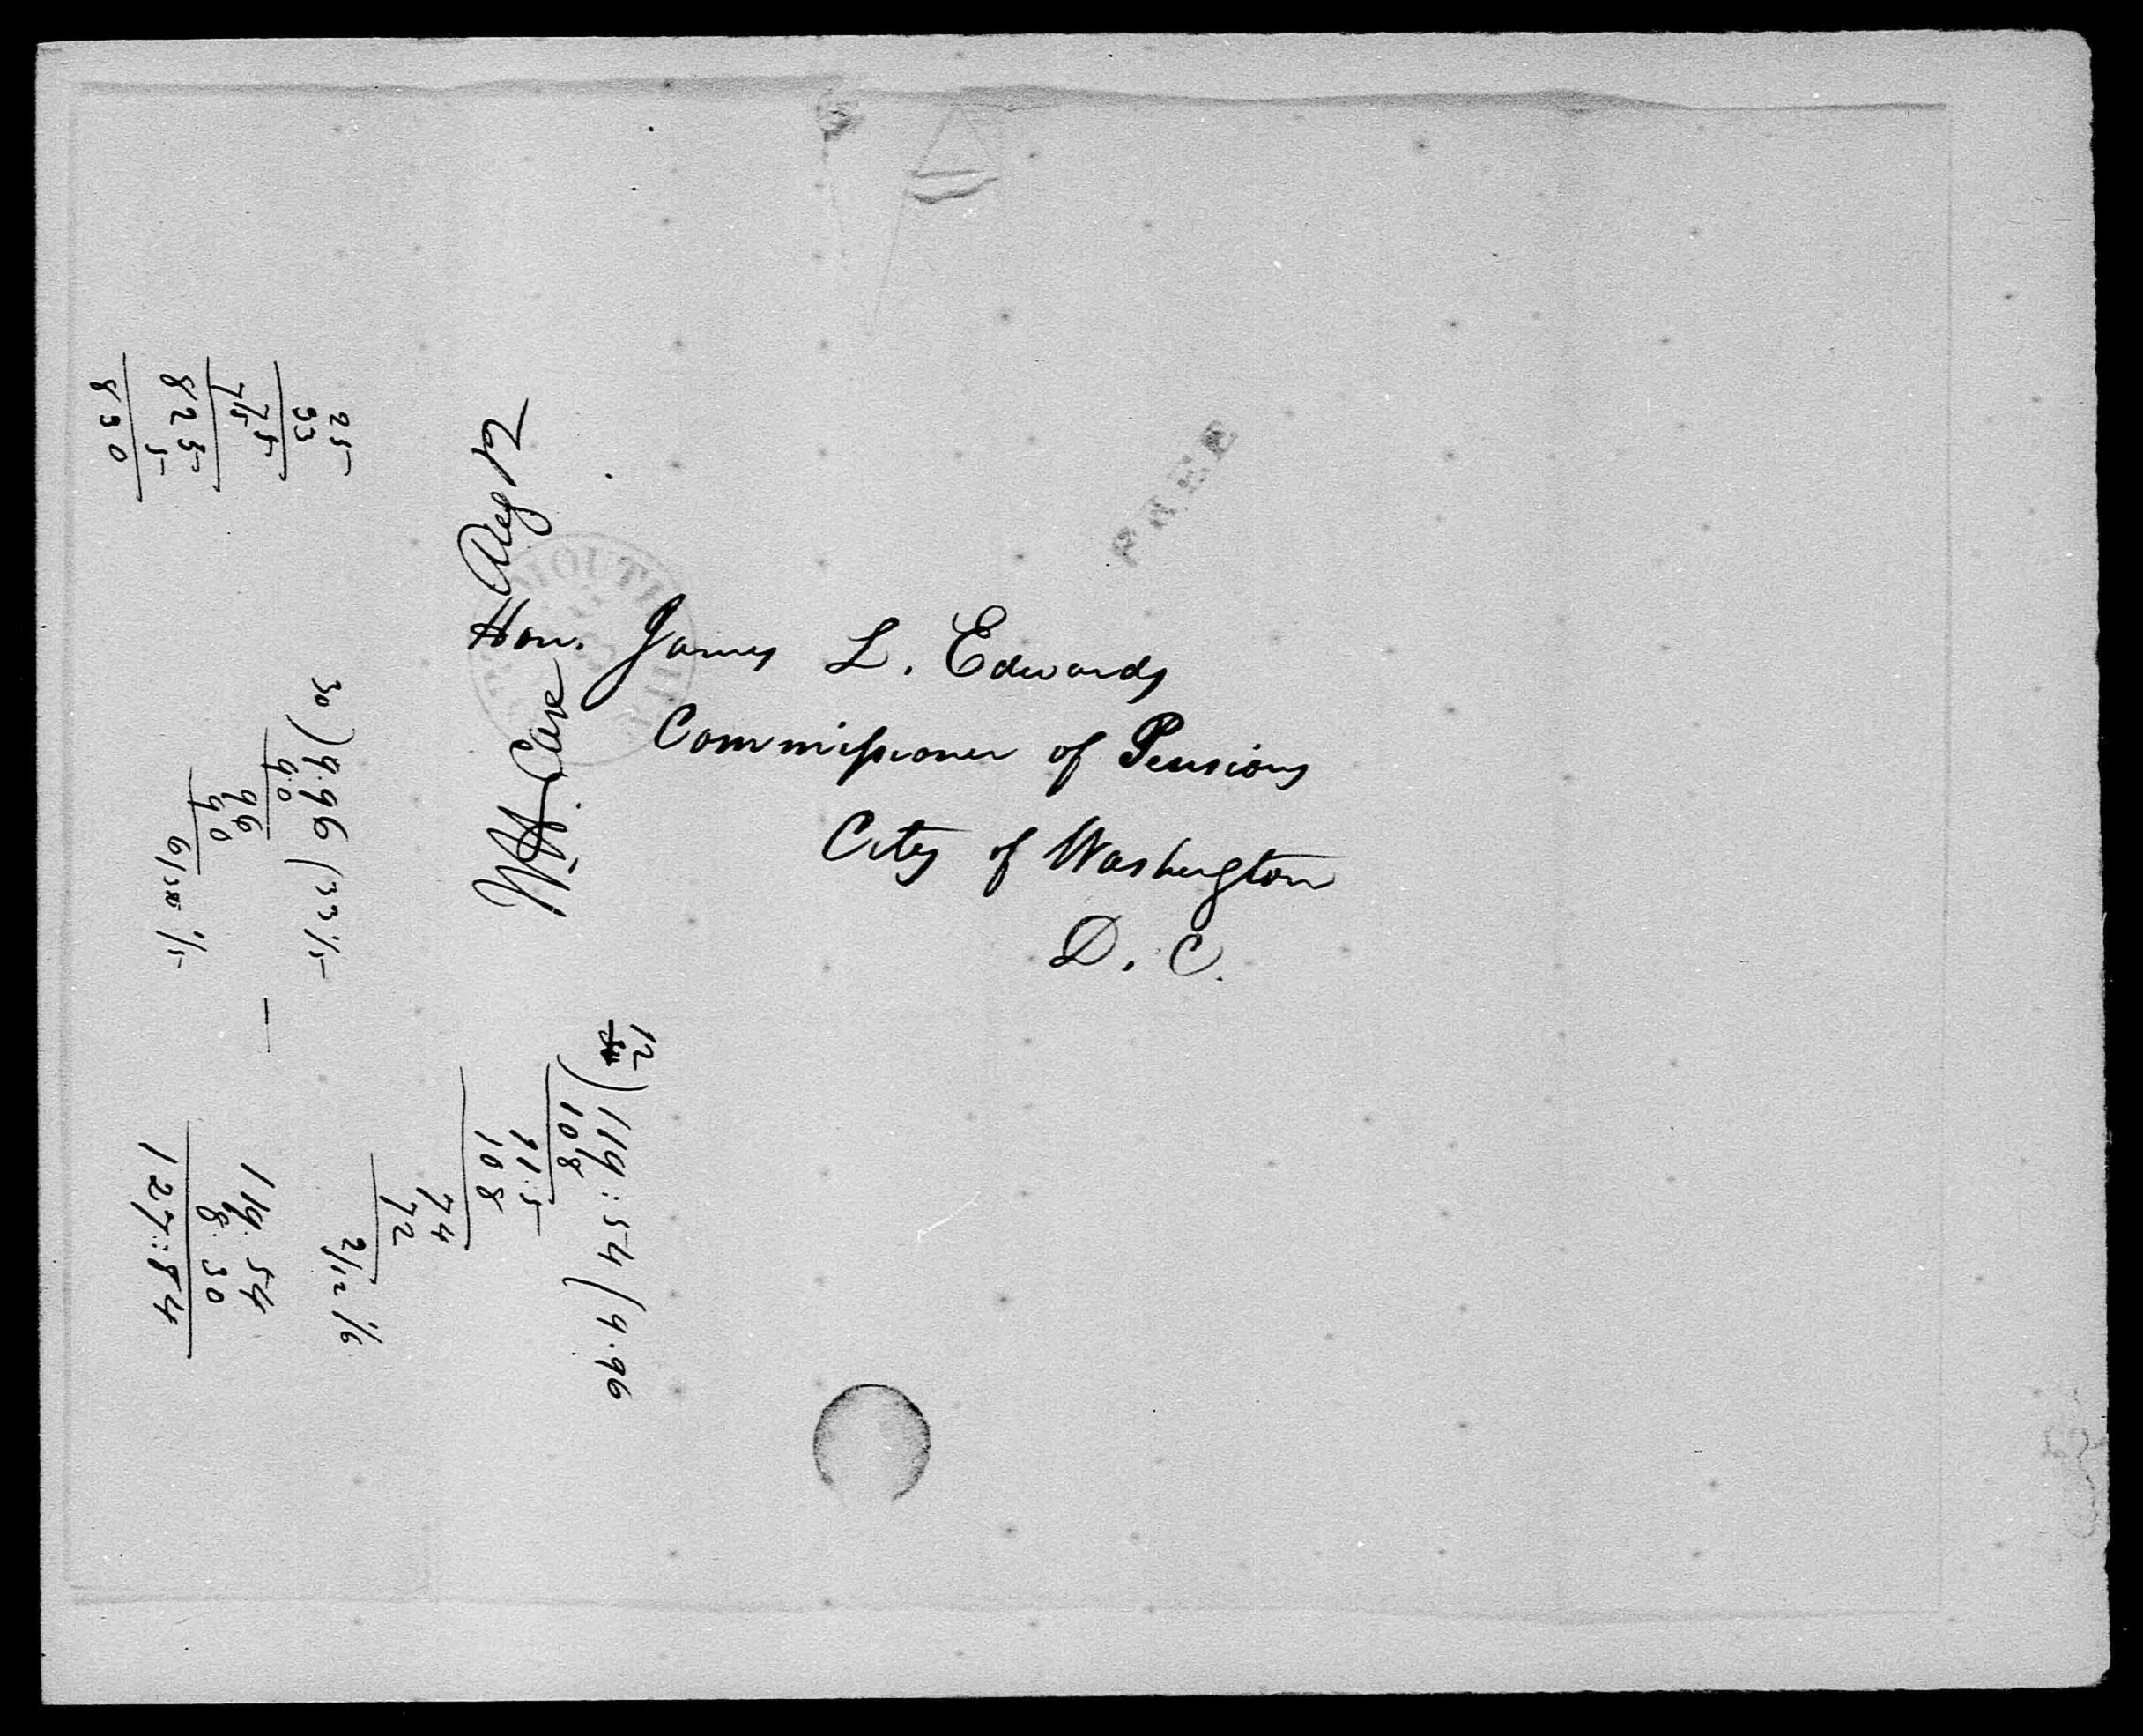[left sideways calculations] 
25 
33
----
78
78
---
825
   5
---
830

30)9.96 (33 1/5
90
---
96
90
---
6/30 1/5

12)119: 54(9.96
108
---
115
108
---
74
72
---
2/12 1/6
119.54
8.30
---
127:84

NH Case Aug 12   
[postage] FREE
Hon. [HONORABLE] James L. Edwards
Commissioner of Pensions
City of Washington D.C.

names: W H Case; James L Edwards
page: 27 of 35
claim: survivor's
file: S. 10912, for Daniel Jewell, New Hampshire